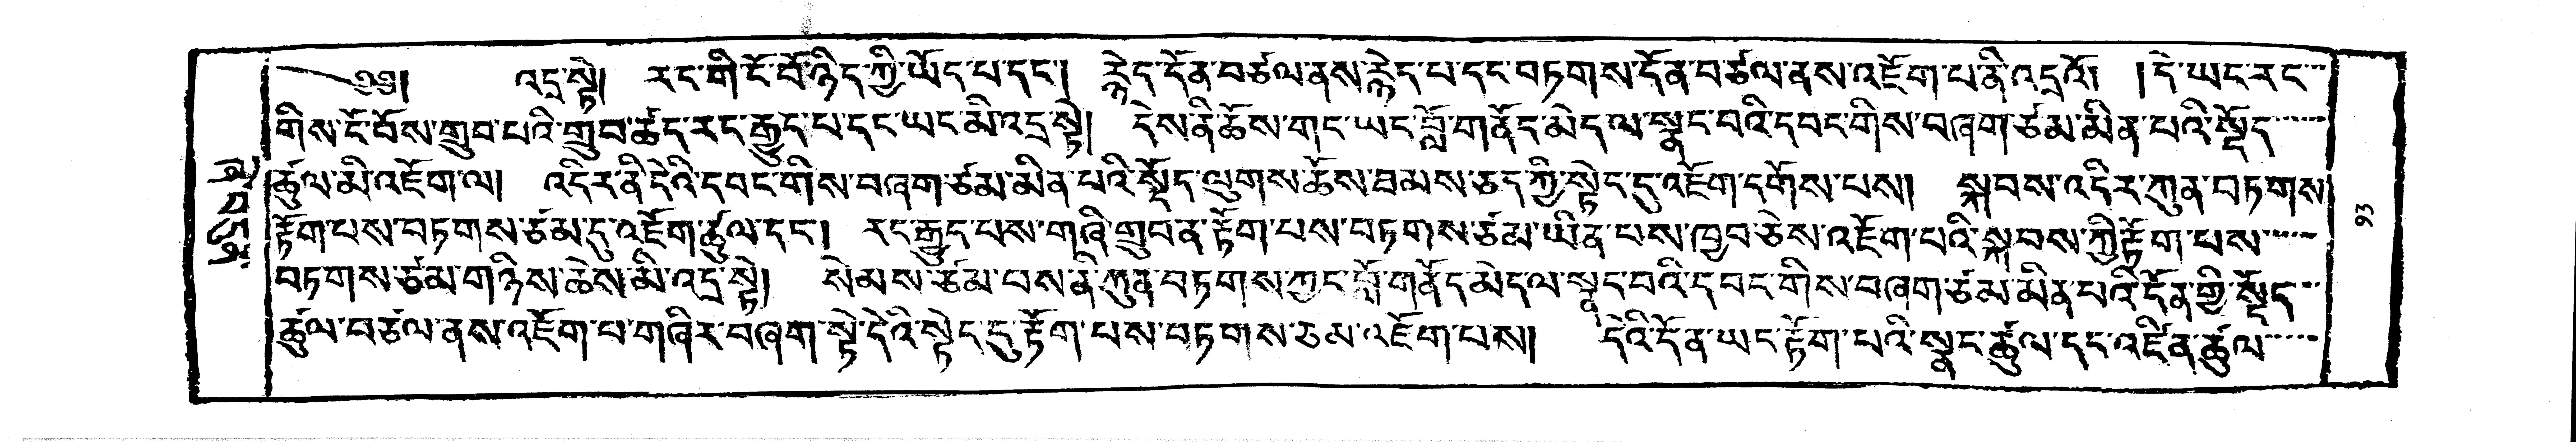༄༅། །འདྲ་སྟེ། རང་གི་ངོ་བོ་ཉིད་ཀྱི་ཡོད་པ་དང་། རྙེད་དོན་བཙལ་ནས་རྙེད་པ་དང་བཏགས་དོན་བཙལ་ནས་འཇོག་པ་ནི་འདྲའོ། །དེ་ཡང་རང་
གིས་ངོ་བོས་གྲུབ་པའི་གྲུབ་ཚད་རང་རྒྱུད་པ་དང་ཡང་མི་འདྲ་སྟེ། དེས་ནི་ཆོས་གང་ཡང་བློ་གནོད་མེད་ལ་སྣང་བའི་དབང་གིས་བཞག་ཙམ་མིན་པའི་སྡོད་
ཚུལ་མི་འཇོག་ལ། འདིར་ནི་དེའི་དབང་གིས་བཞག་ཙམ་མིན་པའི་སྡོད་ལུགས་ཆོས་ཐམས་ཅད་ཀྱི་སྟེང་དུ་འཇོག་དགོས་པས། སྐབས་འདིར་ཀུན་བཏགས་
རྟོག་པས་བཏགས་ཙམ་དུ་འཇོག་ཚུལ་དང་། རང་རྒྱུད་པས་གཞི་གྲུབ་ན་རྟོག་པས་བཏགས་ཙམ་ཡིན་པས་ཁྱབ་ཅེས་འཇོག་པའི་སྐབས་ཀྱི་རྟོག་པས་
བཏགས་ཙམ་གཉིས་ཆེས་མི་འདྲ་སྟེ། སེམས་ཙམ་པས་ནི་ཀུན་བཏགས་ཀྱང་བློ་གནོད་མེད་ལ་སྣང་བའི་དབང་གིས་བཞག་ཙམ་མིན་པའི་དོན་གྱི་སྡོད་
ཚུལ་བཙལ་ནས་འཇོག་པ་གཞིར་བཞག་སྟེ་དེའི་སྟེང་དུ་རྟོག་པས་བཏགས་ཙམ་འཇོག་པས། དེའི་དོན་ཡང་རྟོག་པའི་སྣང་ཚུལ་དང་འཛིན་ཚུལ་